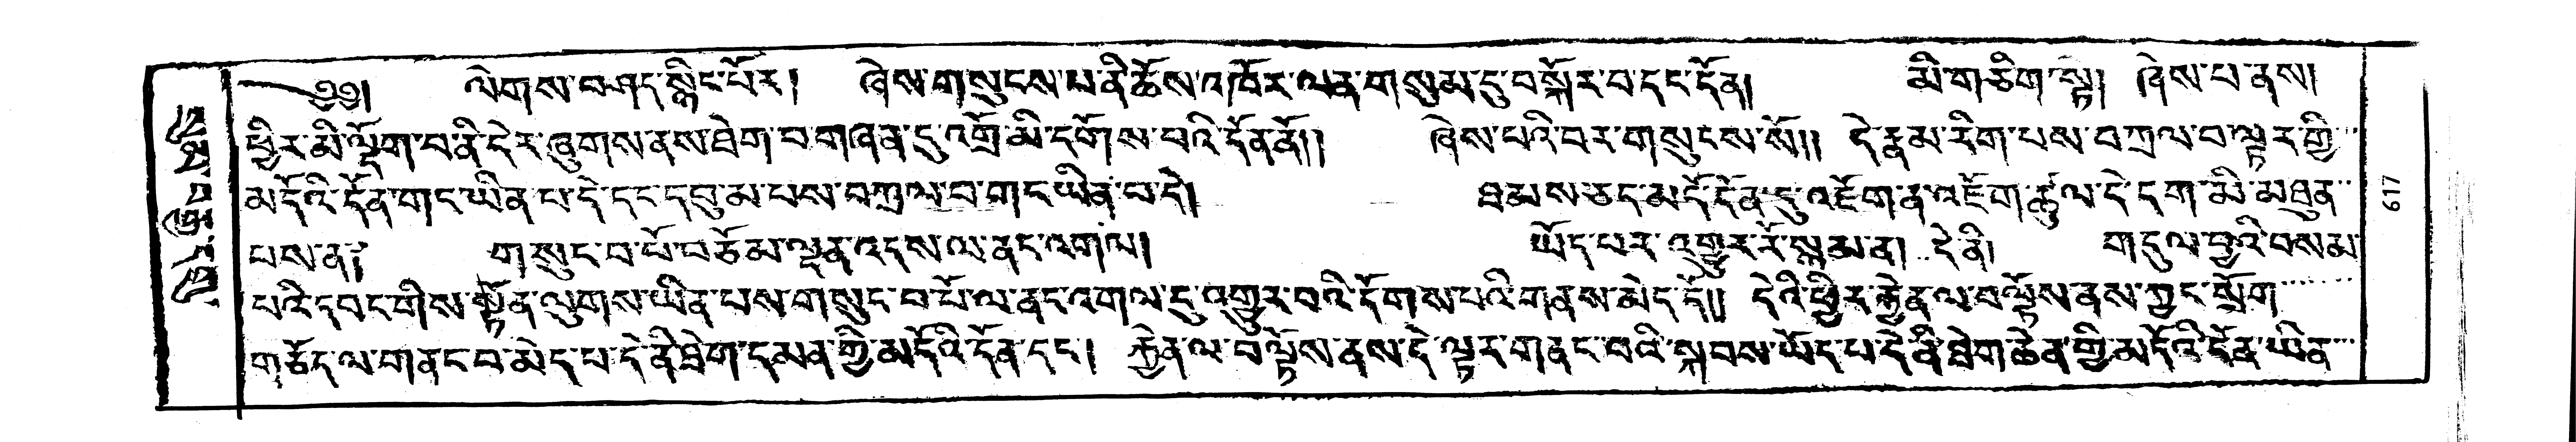༄༅། །ལེགས་བཤད་སྙིང་པོར། ཞེས་གསུངས་པ་ནི་ཆོས་འཁོར་ལན་གསུམ་དུ་བསྐོར་བ་དང་དོན། མི་གཅིག་སྟེ། ཞེས་པ་ནས།
ཕྱིར་མི་ལྡོག་པ་ནི་དེར་ཞུགས་ནས་ཐེག་པ་གཞན་དུ་འགྲོ་མི་དགོས་པའི་དོན་ནོ།། ཞེས་པའི་བར་གསུངས་སོ།། དེ་རྣམ་རིག་པས་བཀྲལ་བ་ལྟར་གྱི་
མདོའི་དོན་གང་ཡིན་པ་དེ་དང་དབུ་མ་པས་བཀྲལ་བ་གང་ཡིན་པ་དེ། ཐམས་ཅད་མདོ་དོན་དུ་འཇོག་ན་འཇོག་ཚུལ་དེ་དག་མི་མཐུན་
པས་ན། གསུང་བ་པོ་བཅོམ་ལྡན་འདས་ལ་ནང་འགལ། ཡོད་པར་འགྱུར་རོ་སྙམ་ན། དེ་ནི། གདུལ་བྱའི་བསམ་
པའི་དབང་གིས་སྟོན་ལུགས་ཡིན་པས་གསུང་བ་པོ་ལ་ནང་འགལ་དུ་འགྱུར་བའི་དོགས་པའི་གནས་མེད་དོ།། དེའི་ཕྱིར་རྐྱེན་ལ་བལྟོས་ནས་ཀྱང་སྲོག་
གཅོད་ལ་གནང་བ་མེད་པ་དེ་ནི་ཐེག་དམན་གྱི་མདོའི་དོན་དང་། རྐྱེན་ལ་བལྟོས་ནས་དེ་ལྟར་གནང་བའི་སྐབས་ཡོད་པ་དེ་ནི་ཐེག་ཆེན་གྱི་མདོའི་དོན་ཡིན་